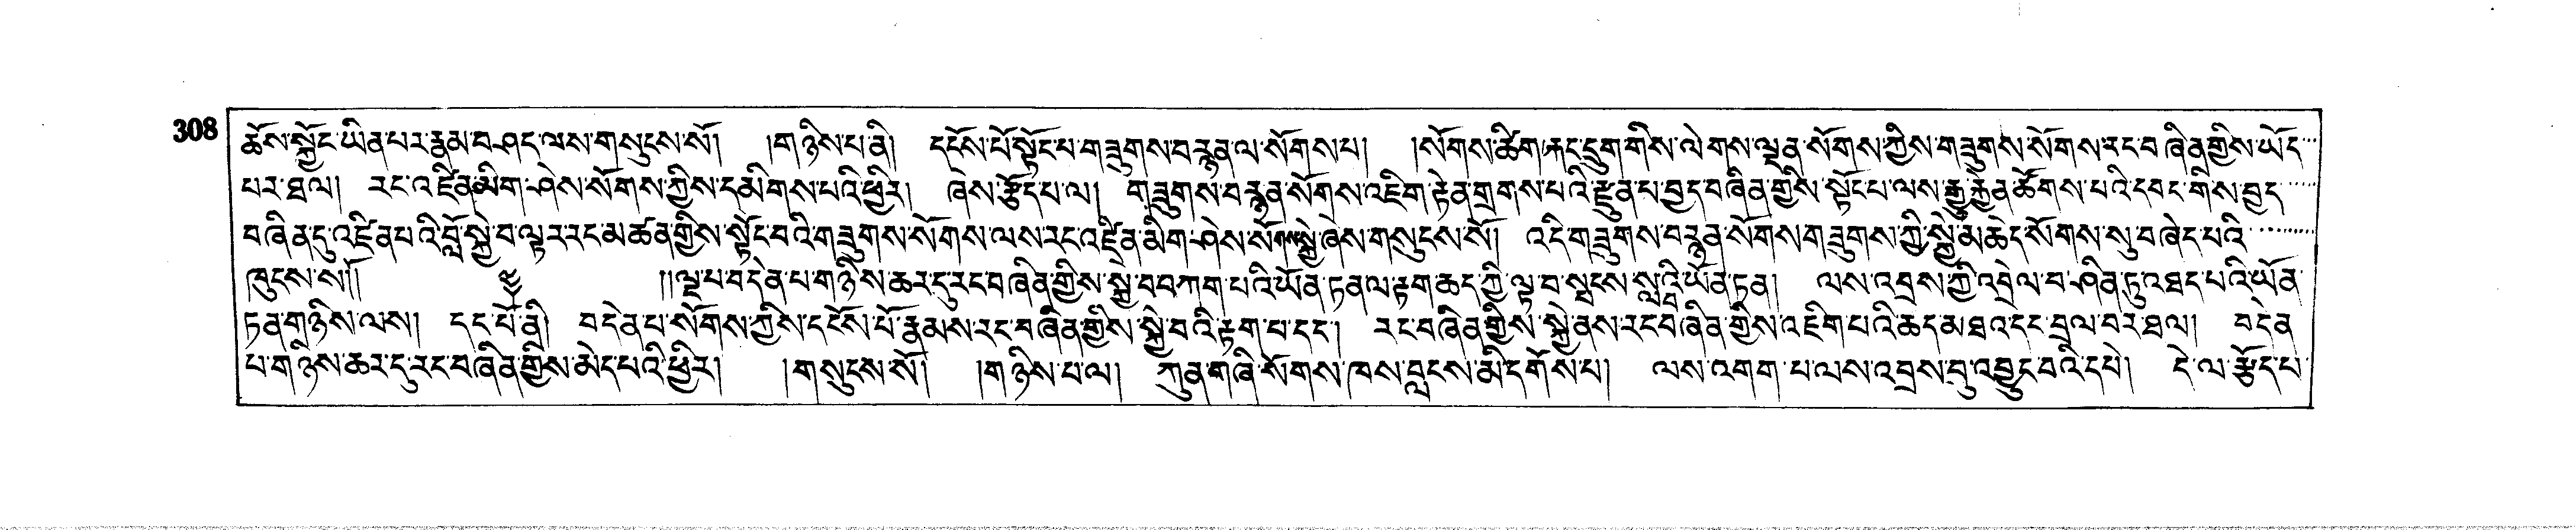ཆོས་སྐྱོང་ཡིན་པར་རྣམ་བཤད་ལས་གསུངས་སོ། །གཉིས་པ་ནི། དངོས་པོ་སྟོང་པ་གཟུགས་བརྙན་ལ་སོགས་པ། །སོགས་ཚིག་རྐང་དྲུག་གིས་ལེགས་ལྡན་སོགས་ཀྱིས་གཟུགས་སོགས་རང་བཞིན་གྱིས་ཡོད་
པར་ཐལ། རང་འཛིན་མིག་ཤེས་སོགས་ཀྱིས་དམིགས་པའི་ཕྱིར། ཞེས་རྩོད་པ་ལ། གཟུགས་བརྙན་སོགས་འཇིག་རྟེན་གྲགས་པའི་རྫུན་པ་བྱད་བཞིན་གྱིས་སྟོང་པ་ལས་རྒྱུ་རྐྱེན་ཚོགས་པའི་དབང་གིས་བྱད་
བཞིན་དུ་འཛིན་པའི་བློ་སྐྱེ་བ་ལྟར་རང་མཚན་གྱིས་སྟོང་བའི་གཟུགས་སོགས་ལས་རང་འཛིན་མིག་ཤེས་སོགས་སྐྱེ་ཞེས་གསུངས་སོ། འདི་གཟུགས་བརྙན་སོགས་གཟུགས་ཀྱི་སྐྱེ་མཆེད་སོགས་སུ་བཞེད་པའི་
ཁུངས་སོ།།༈ །།ལྔ་པ་བདེན་པ་གཉིས་ཆར་དུ་རང་བཞིན་གྱིས་སྐྱེ་བ་བཀག་པའི་ཡོན་ཏན་ལ་རྟག་ཆད་ཀྱི་ལྟ་བ་སྤངས་སླ་བའི་ཡོན་ཏན། ལས་འབྲས་ཀྱི་འབྲེལ་བ་ཤིན་ཏུ་འཐད་པའི་ཡོན་
ཏན་གཉིས་ལས། དང་པོ་ནི། བདེན་པ་སོགས་ཀྱིས་དངོས་པོ་རྣམས་རང་བཞིན་གྱིས་སྐྱེ་བའི་རྟག་པ་དང་། རང་བཞིན་གྱིས་སྐྱེ་ནས་རང་བཞིན་གྱིས་འཇིག་པའི་ཆད་མཐའ་དང་བྲལ་བར་ཐལ། བདེན་
པ་གཉིས་ཆར་དུ་རང་བཞིན་གྱིས་མེད་པའི་ཕྱིར། །གསུངས་སོ། །གཉིས་པ་ལ། ཀུན་གཞི་སོགས་ཁས་བླངས་མི་དགོས་པ། ལས་འགག་པ་ལས་འབྲས་བུ་འབྱུང་བའི་དཔེ། དེ་ལ་རྩོད་པ་